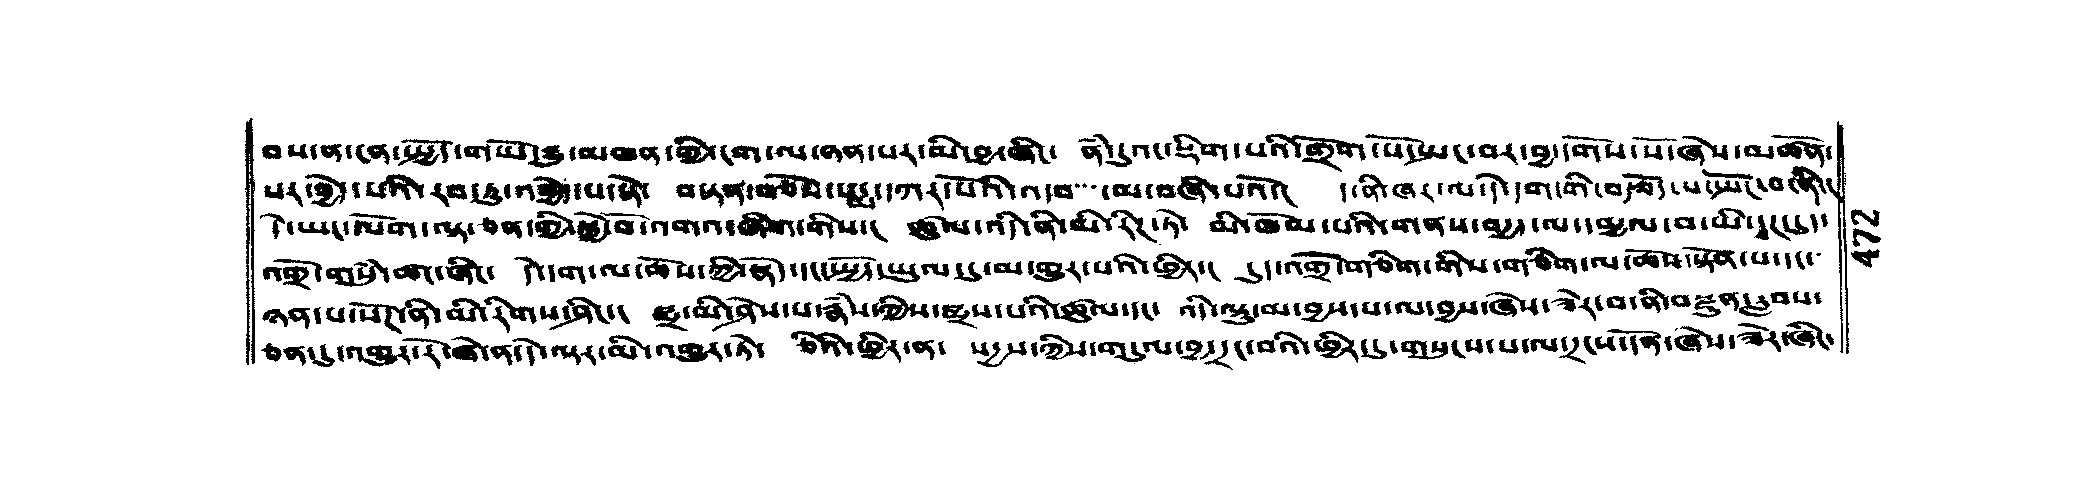བས་ན་ངན་སྤྱོད་གཡོ་རྒྱུ་མཁན་གྱི་ངག་ལ་ཉན་པར་མི་བྱ་ཞིང་། ནམ་དུའང་སྡིག་པའི་གྲོགས་པོ་སྤང་བར་བྱ་དགོས་སོ་ཞེས་མཚོན་
པར་བྱེད་པའི་རབ་ཏུ་འབྱེད་པ་སྟེ། བསྟན་བཅོས་པདྨ་དཀར་པོའི་འདབ་མ་བཞི་པའོ། ད་ནི་ཞར་ལ་དེ་དག་གི་བརྩོད་པ་སྤོང་བ་ནི། 
དེ་ཡང་ལོག་ལྟ་ཅན་གྱི་སྐྱེ་བོ་འགའ་ཞིག་གིས། ཚུལ་འདི་ནི་མི་རིགས་ཏེ། མི་ཁོམ་པའི་གནས་བརྒྱད་ལ་དམྱལ་བ་ཡི་དྭགས་དུད་
འགྲོ་གསུམ་ཚང་ཞིང་། དེ་དག་ལ་ཆོས་ཀྱི་སྣོད་དང་སྤྱོད་ཡུལ་དུ་མ་གྱུར་པའི་ཕྱིར། དུད་འགྲོ་གཅིག་གིས་གཅིག་ལ་ཆོས་སྟོན་པ་དང་
ཉན་པ་སོགས་ནི་མི་རིགས་ཤིང་། སྨྲ་མི་ཤེས་པ་རྣམས་ཀྱིས་སྨྲས་པའི་ཚུལ་དང་། འདི་ལྟ་བུ་མ་བྱས་པ་ལ་བྱས་ཞེས་ཟེར་བ་ནི་བརྫུན་རླབས་
ཅན་དུ་འགྱུར་རོ་ཞེ་ན་དེ་ལྟར་མི་འགྱུར་ཏེ། ཅིའི་ཕྱིར་ན། སངས་རྒྱས་ཀྱིས་གདུལ་བྱ་དྲང་བའི་ཕྱིར་དུ་གསུངས་པ་ལ་དྲང་དོན་ཞེས་ཟེར་ཞིང་